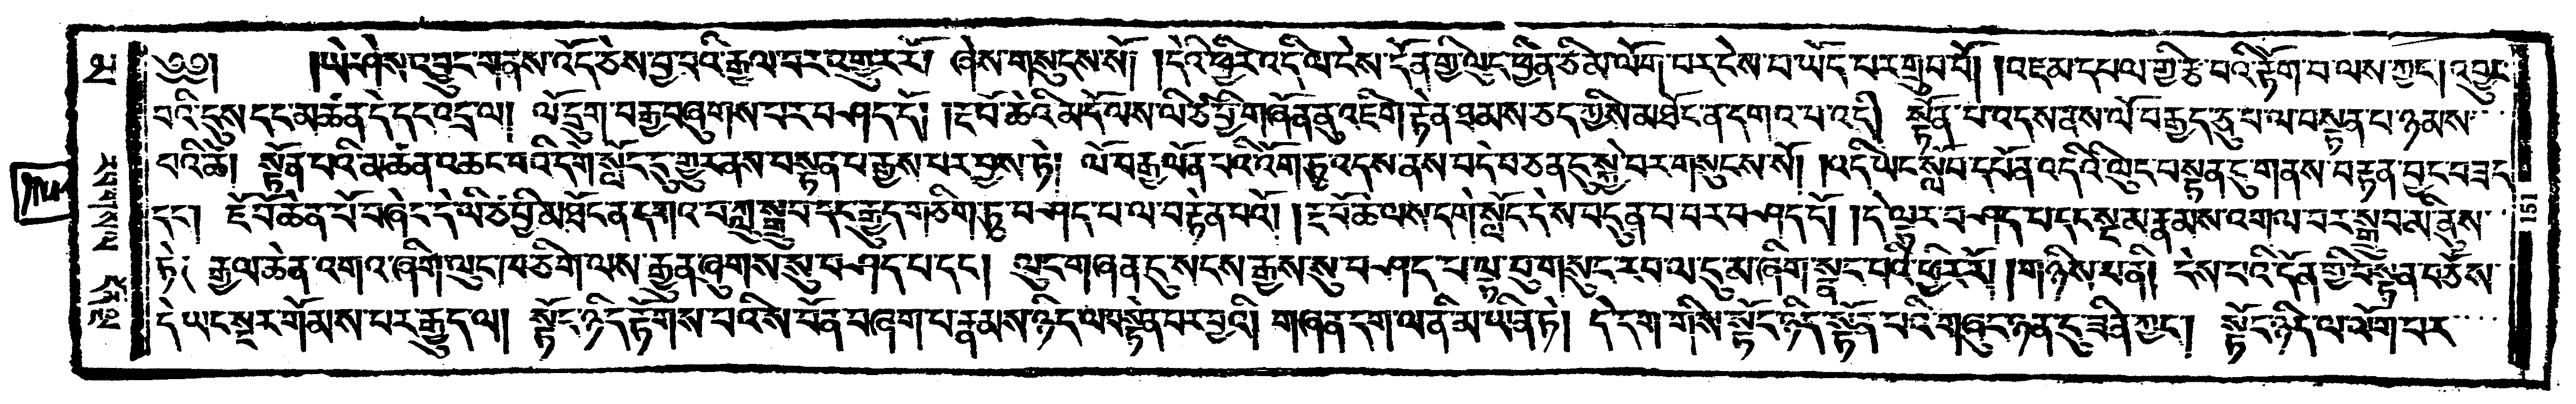༄༅། །ཡེ་ཤེས་འབྱུང་གནས་འོད་ཅེས་བྱ་བའི་རྒྱལ་བར་འགྱུར་རོ། ཞེས་གསུངས་སོ། །དེའི་ཕྱིར་འདི་ལ་ངེས་དོན་གྱི་ལུང་ཕྱིན་ཅི་མ་ལོག་པར་ངེས་པ་ཡོད་པར་གྲུབ་བོ། །འཇམ་དཔལ་གྱི་རྩ་བའི་རྟོག་པ་ལས་ཀྱང་། འབྱུང་
བའི་དུས་དད་མཚན་དེ་དང་འདྲ་ལ། ལོ་དྲུག་བརྒྱ་བཞུགས་པར་བཤད་དོ། །རྔ་བོ་ཆེའི་མདོ་ལས་ལི་ཙ་བྱི་གཞོན་ནུ་འཇིག་རྟེན་ཐམས་ཅད་ཀྱིས་མཐོང་ན་དགའ་བ་འདི། སྟོན་པ་འདས་ནས་ལོ་བརྒྱད་ཅུ་པ་ལ་བསྟན་པ་ཉམས་
པའི་ཚེ། སྟོན་པའི་མཚན་འཆང་བའི་དགེ་སློང་དུ་གྱུར་ནས་བསྟན་པ་རྒྱས་པར་བྱས་ཏེ། ལོ་བརྒྱ་ལོན་པའི་འོག་ཏུ་འདས་ནས་བདེ་བ་ཅན་དུ་སྐྱེ་བར་གསུངས་སོ། །འདི་ཡང་སློབ་དཔོན་འདིའི་ལུང་བསྟན་དུ་གནས་བརྟན་བྱང་བཟང་
དང་། ཇོ་བོ་ཆེན་པོ་བཞེད་དེ་ལི་ཙ་བྱི་མཐོང་ན་དགའ་བ་ཀླུ་སྒྲུབ་དང་རྒྱུད་གཅིག་ཏུ་བཤད་པ་ལ་བརྟན་པའོ། །རྔ་བོ་ཆེ་ལས་དགེ་སློང་དེ་ས་བདུན་པ་བར་བཤད་དོ། །དེ་ལྟར་བཤད་པ་དང་སྔ་མ་རྣམས་འགལ་བར་སྒྲུབ་མི་ནུས་
ཏེ༑ རྒྱལ་ཆེན་འགའ་ཞིག་ལུང་ཁ་ཅིག་ལས་རྒྱུན་ཞུགས་སུ་བཤད་པ་དང་། ལུང་གཞན་དུ་སངས་རྒྱས་སུ་བཤད་པ་ལྟ་བུ་གསུང་རབ་ལ་དུ་མ་ཞིག་སྣང་བའི་ཕྱིར་རོ། །གཉིས་པ་ནི། ངེས་པའི་དོན་གྱི་བསྟན་བཅོས་
དེ་ཡང་སྔར་གོམས་པར་རྒྱུད་ལ། སྟོང་ཉིད་རྟོགས་པའི་ས་བོན་བཞག་བ་རྣམས་ཉིད་ལ་བསྟེན་པར་བྱའི། གཞན་དག་ལ་ནི་མ་ཡིན་ཏེ། དེ་དག་གིས་སྟོང་ཉིད་སྟོན་པའི་གཞུང་ཉན་དུ་ཟིན་ཀྱང་། སྟོང་ཉིད་ལ་ལོག་པར་